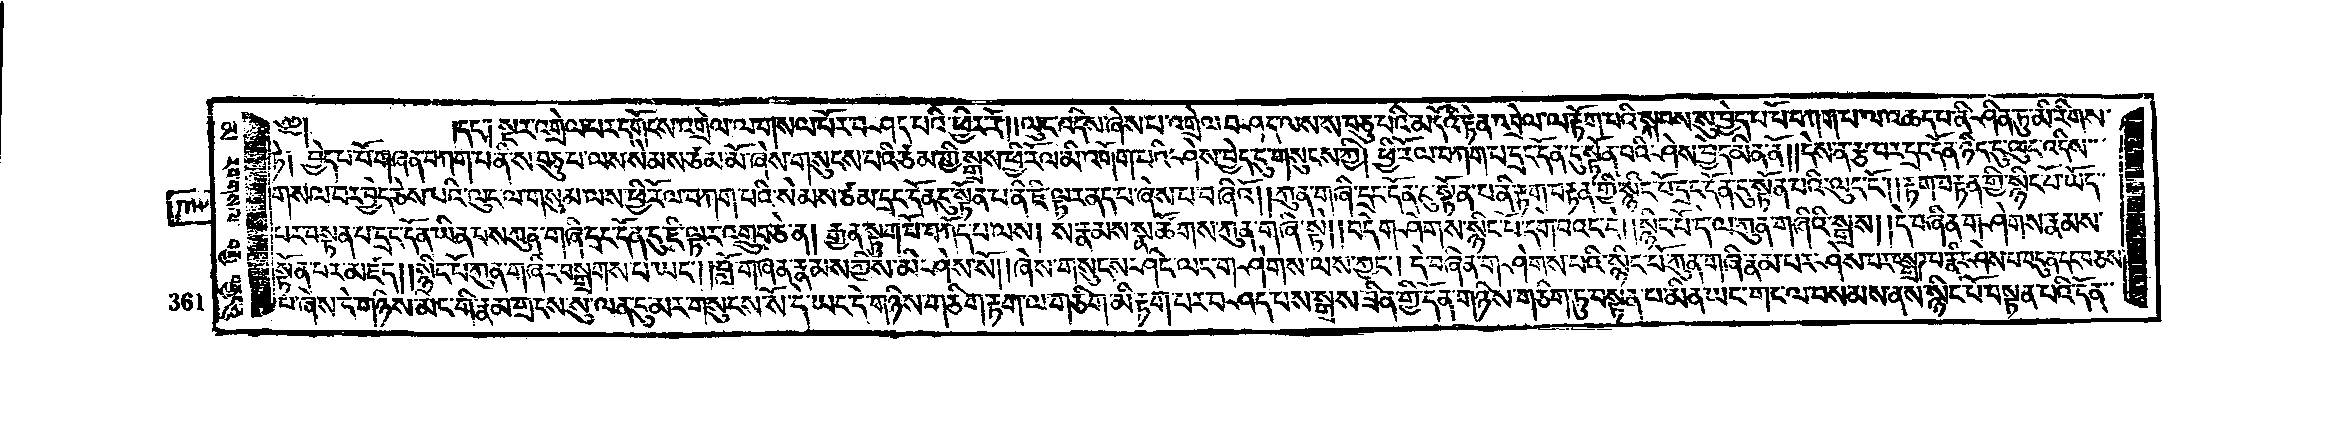༄༅། །དང་། སྔར་འགྲེལ་པར་དགོངས་འགྲེལ་ལ་གསལ་པོར་བཤད་པའི་ཕྱིར་རོ། །ལུང་འདིས་ཞེས་པ་འགྲེལ་བཤད་ལས་ས་བཅུ་པའི་མདོའི་རྟེན་འབྲེལ་ལ་རྟོག་པའི་སྐབས་སུ་བྱེད་པ་པོ་བཀག་པ་ལ་འཆད་པ་ནི་ཤིན་ཏུ་མི་རིགས་
ཏེ། བྱེད་པ་པོ་གཞན་བཀག་པ་ནི་ས་བཅུ་པ་ལས་སེམས་ཙམ་མོ་ཞེས་གསུངས་པའི་ཙམ་གྱི་སྒྲས་ཕྱི་རོལ་མི་འགོག་པའི་ཤེས་བྱེད་དུ་གསུངས་ཀྱི། ཕྱི་རོལ་བཀག་པ་དྲང་དོན་དུ་སྟོན་པའི་ཤེས་བྱེད་མིན་ནོ། །དེས་ན་རྩ་བར་དྲང་དོན་ཉིད་དུ་ལུང་འདིས་
གསལ་བར་བྱེད་ཅིས་པའི་ལུང་ལ་གསུམ་ལས་ཕྱི་རོལ་བཀག་པའི་སེམས་ཙམ་དྲང་དོན་དུ་སྟོན་པ་ནི་ཇི་ལྟར་ནད་པ་ཞེས་པ་བཞིའོ། །ཀུན་གཞི་དྲང་དོན་དུ་སྟོན་པ་ནི་རྟག་བརྟན་གྱི་སྙིང་པོ་དྲང་དོན་དུ་སྟོན་པའི་ལུང་ངོ། །རྟག་བརྟན་གྱི་སྙིང་པོ་ཡོད་
པར་བསྟན་པ་དྲང་དོན་ཡིན་པས་ཀུན་གཞི་དྲང་དོན་དུ་ཇི་ལྟར་འགྲུབ་ཅེ་ན། རྒྱན་སྟུག་པོ་བཀོད་པ་ལས། ས་རྣམས་སྣ་ཚོགས་ཀུན་གཞི་སྟེ། །བདེ་གཤེགས་སྙིང་པོ་དགེ་བའང་དེ། །སྙིང་པོ་དེ་ལ་ཀུན་གཞིའི་སྒྲས། །དེ་བཞིན་གཤེགས་རྣམས་
སྟོན་པར་མཛད། །སྙིང་པོ་ཀུན་གཞིར་བསྒྲགས་པ་ཡང་། །བློ་གཞན་རྣམས་ཀྱིས་མི་ཤེས་སོ། །ཞེས་གསུངས་ཤིང་ལང་གཤེགས་ལས་ཀྱང་། དེ་བཞིན་གཤེགས་པའི་སྙིང་པོ་ཀུན་གཞི་རྣམ་པར་ཤེས་པར་བསྒྲགས་པ་རྣམ་པར་ཤེས་པ་བདུན་དང་བཅས་
པ་ཞེས་དེ་གཉིས་མིང་གི་རྣམ་གྲངས་སུ་ལན་དུ་མར་གསུངས་སོ་དེ་ཡང་དེ་གཉིས་གཅིག་རྟག་ལ་གཅིག་མི་རྟག་པར་བཤད་པས་སྒྲས་ཟིན་གྱི་དོན་གཉིས་གཅིག་ཏུ་བསྟན་པ་མིན་ཡང་གང་ལ་བསམས་ནས་སྙིང་པོ་བསྟན་པའི་དོན་